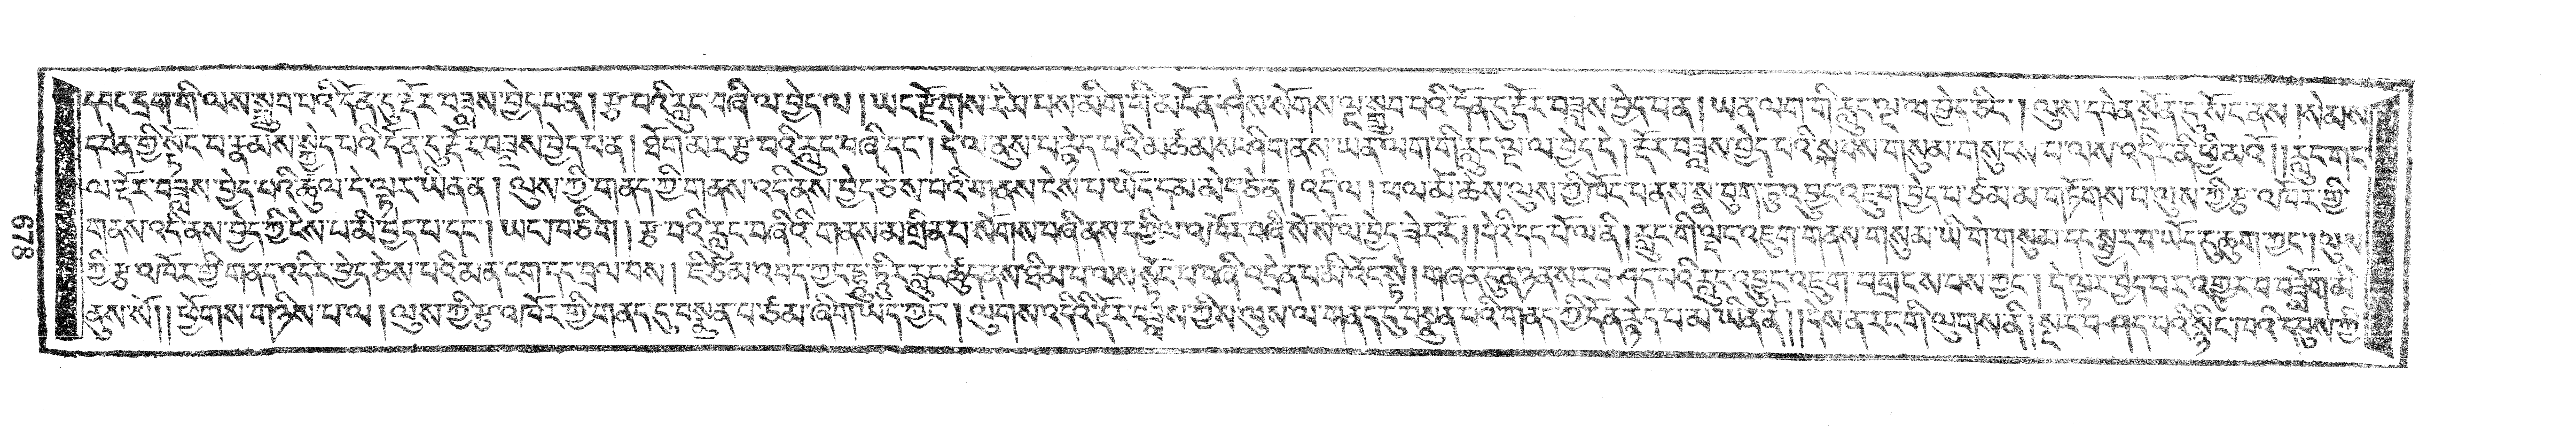དབང་དྲག་གི་ལས་སྒྲུབ་པའི་དོན་དུ་རྡོར་བཟླས་བྱེད་པ་ན། རྩ་བའི་རླུང་བཞི་ལ་བྱེད་ལ། ཡང་རྫོགས་རིམ་པས་མིག་གི་མངོན་ཤེས་སོགས་ལྔ་སྒྲུབ་པའི་དོན་དུ་རྡོར་བཟླས་བྱེད་པ་ན། ཡན་ལག་གི་རླུང་ལྔ་ལ་བྱེད་ཅིང་། ལུས་དབེན་སྔོན་དུ་སོང་ནས། སེམས་
དབེན་གྱི་སྟོང་པ་རྣམས་སྐྱེད་པའི་དོན་དུ་རྡོར་བཟླས་བྱེད་པ་ན། ཐོག་མར་རྩ་བའི་རླུང་བཞི་དང་། དེ་ལ་ནུས་པ་རྙེད་པའི་མཚམས་ཤིག་ནས་ཡན་ལག་གི་རླུང་ལྔ་ལ་བྱེད་དེ། རྡོར་བཟླས་བྱེད་པའི་སྐབས་གསུམ་གསུངས་པ་ལས་འདིར་ནི་ཕྱི་མའོ། །རླུང་གང་
ལ་རྡོར་བཟླས་བྱེད་པའི་ཚུལ་དེ་ལྟར་ཡིན་ན། ལུས་ཀྱི་གནད་ཀྱི་གནས་འདི་ནས་བྱེད་ཅེས་པའི་གནས་ངེས་པ་ཡོད་དམ་མེད་ཅེ་ན། འདི་ལ། ཕལ་མོ་ཆེས་ལུས་ཀྱི་ཁོང་པ་ནས་སྣ་བུག་ཏུ་འབྱུང་འཇུག་བྱེད་པ་ཙམ་མ་གཏོགས་པ་ལུས་ཀྱི་རྩ་འཁོར་གྱི་
གནས་འདི་ནས་བྱེད་ཀྱི་ངེས་པ་མི་བྱེད་པ་དང་། ཡང་ཁ་ཅིག །རྩ་བའི་རླུང་བཞིའི་གནས་མགྲིན་པ་སོགས་བཞི་ནས་དཀྱིལ་འཁོར་བཞི་སོ་སོ་ལ་བྱེད་ཟེར་རོ། །དེའི་དང་པོ་ལ་ནི། རླུང་གི་ལྡང་འཇུག་གནས་གསུམ་ཡི་གེ་གསུམ་དང་སྦྱར་བ་ཡོད་དུ་ཆུག་ཀྱང་།ལུས་
ཀྱི་རྩ་འཁོར་གྱི་གནད་འདིར་བྱེད་ཅེས་པའི་མན་ངག་དང་བྲལ་བས། ཇི་ཙམ་འབད་ཀྱང་དྷཱུ་ཏཱིར་རླུང་ཚུད་ནས་ཐིམ་པ་ལས་སྟོང་པ་བཞི་འདྲེན་པ་མི་འོང་སྟེ། གཞན་དུ་ན་ཉན་སར་བཤད་པའི་རླུང་འབྱུང་འཇུག་བགྲངས་པས་ཀྱང་། དེ་ལྟར་བྱེད་པར་འགྱུར་བ་བཟློག་མི་
ནུས་སོ། །ཕྱོགས་གཉིས་པ་ལ། ལུས་ཀྱི་རྩ་འཁོར་གྱི་གནད་དུ་བསྣུན་པ་ཙམ་ཞིག་ཡིན་ཀྱང་། ལུགས་འདིའི་རྡོར་བཟླས་ཀྱིས་ལུས་ལ་གནད་དུ་བསྣུན་པའི་གནད་ཀྱི་དོན་རྙེད་པ་མ་ཡིན་ནོ། །དེས་ན་རང་གི་ལུགས་ནི། སྔར་བཤད་པའི་སྙིང་ཁའི་དབུས་ཀྱི་